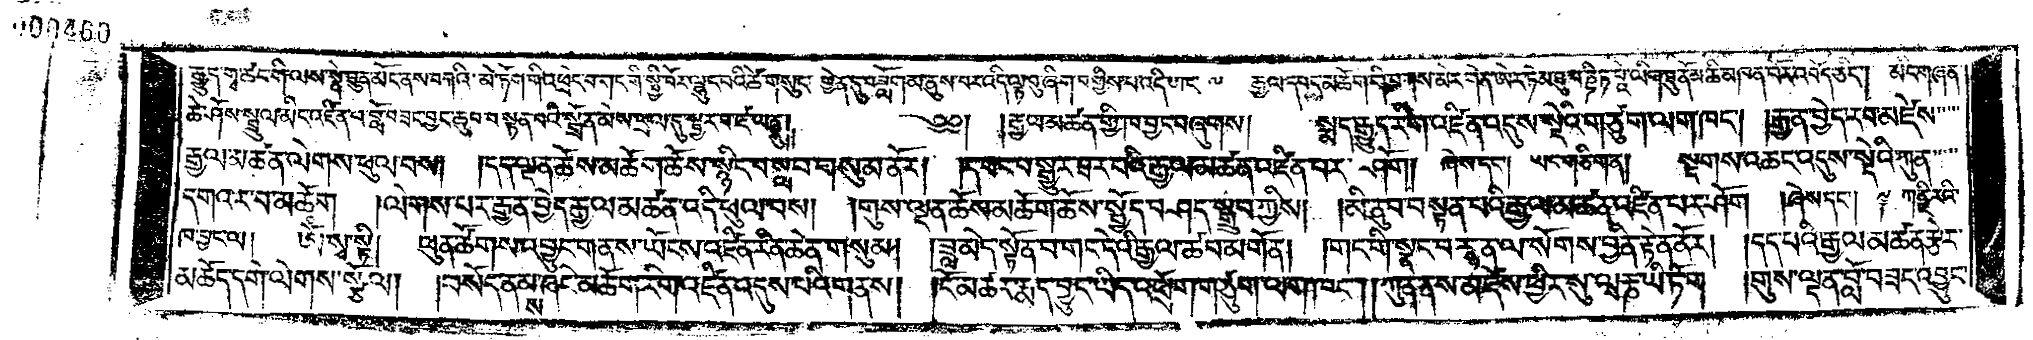རྒྱུད་གྲྭ་ཚང་གི་ལས་སྣེ་ཐུན་མོང་ནས་བཀའི་མེ་ཏོག་གི་འཕྲེང་བ་གང་གི་སྤྱི་བོར་ལྷུང་བའི་ཚེ་གསུང་གྱེན་དུ་བཟློག་མ་ནུས་པར་འདི་ལྟ་བུ་ཞིག་བགྱིས་པ་འདི་ཡང་༧་རྒྱལ་དབང་མཆོག་གི་བཀས་མེར་གེན་ཨེར་ཏེ་མཐུ་པཎྜི་ཏ་པE་ལིག་ཐུ་ནོམ་ཆི་མཁན་པོར་འབོད་ཅིང་། མིང་གཞན་
ཆེ་ཤོས་སྤྲུལ་མིང་འཛིན་པ་བློ་བཟང་བྱང་ཆུབ་བསྟན་པའི་སྒྲོན་མེས་ཕྲལ་དུ་སྦྱར་བ་ཛ་ཡནྟུ།། ༄༅། །རྒྱལ་མཚན་གྱི་ཁ་བྱང་བཞུགས། སྨད་རྒྱུད་རིག་འཛིན་འདུས་སྡེའི་གཙུག་ལག་ཁང་། །རྒྱན་བྱེད་རབ་མཛེས་
རྒྱལ་མཚན་ལེགས་ཕུལ་བས། །དད་ལྡན་ཆོས་མཆོག་ཆོས་སྙིང་བསླབ་གསུམ་ནོར། །དབང་བསྒྱུར་ཐར་པའི་རྒྱལ་མཚན་འཛིན་པར་ཤོག་།ཞེས་དང་། ཡང་གཅིག་ན།  སྔགས་འཆང་འདུས་སྡེའི་ཀུན་
དགའ་ར་བ་མཆོག །ལེགས་པར་རྒྱན་བྱེད་རྒྱལ་མཚན་འདི་ཕུལ་བས། །གུས་ལྡན་ཆོས་མཆོག་ཆོས་སྤྱོད་བཤད་སྒྲུབ་ཀྱིས། །མི་ནུབ་བསྟན་པའི་རྒྱལ་མཚན་འཛིན་པར་ཤོག །ཞེས་དང་། ༈ ཀནྫི་རའི་
ཁ་བྱང་ལ། ཨོཾ་སྭ་སྟི། ཕུན་ཚོགས་འབྱུང་གནས་ཡོངས་འཛིན་རིན་ཆེན་གསུམ། །ཟླ་མེད་སྟོན་པ་གང་དེའི་རྒྱལ་ཚབ་མགོན། །གང་གི་སྣང་བརྙན་ལ་སོགས་བྱིན་རྟེན་ནོར། །དད་པའི་རྒྱལ་མཚན་རྩེར་
མཆོད་དགེ་ལེགས་སྩོལ། །བསོད་ནམས་ཞིང་མཆོག་རིག་འཛིན་འདུས་པའི་གནས། །ངོ་མཚར་རྨད་བྱུང་ཡིད་འཕྲོག་གཙུག་ལག་ཁང་། །ཀུན་ནས་མཛེས་ཕྱིར་སུ་ཝ་རྞ་ཡི་ཏོག །གུས་ལྡན་བློ་བཟང་འབྱུང་